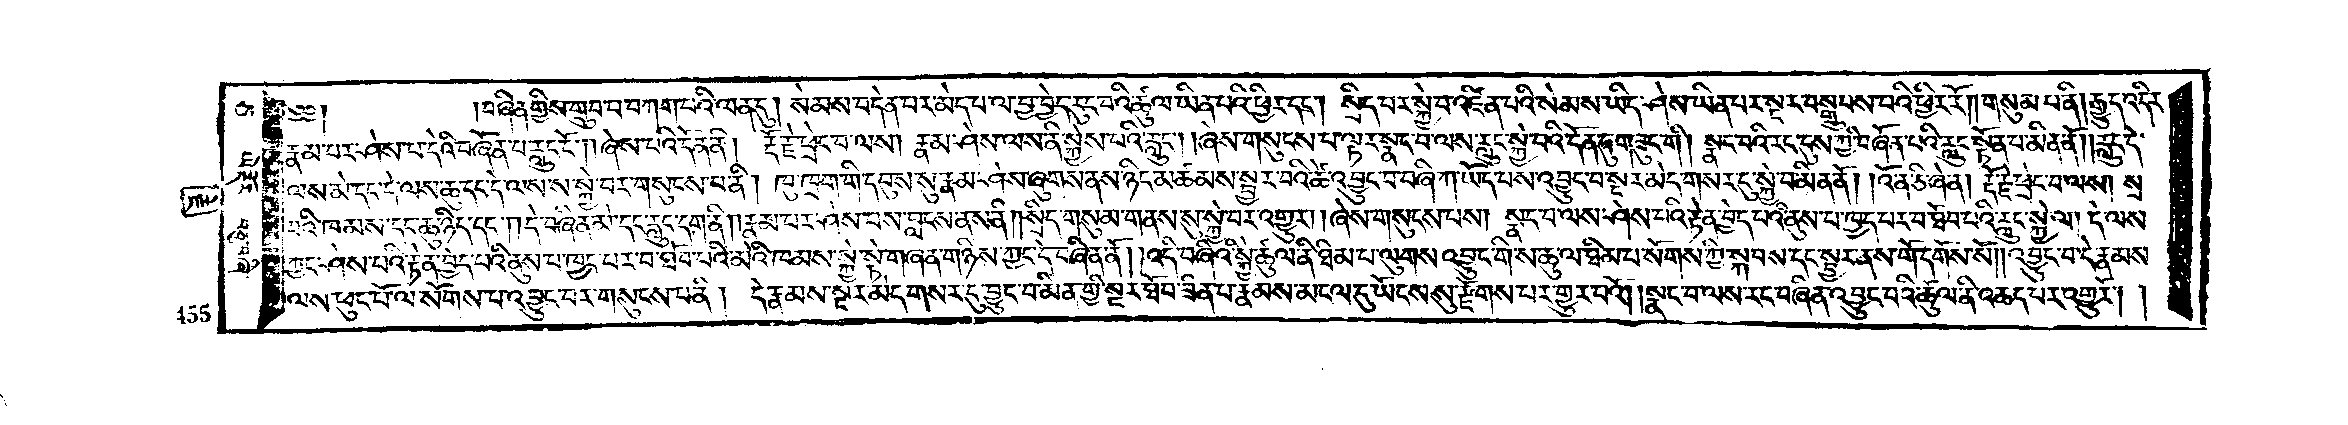༄༅། །བཞིན་གྱིས་གྲུབ་པ་བཀག་པའི་ལན་དུ། སེམས་བདེན་པར་མེད་པ་ལ་བྱ་བྱེད་རུང་བའི་ཚུལ་ཡིན་པའི་ཕྱིར་དང་། སྲིད་པར་སྐྱེ་བ་འཛིན་པའི་སེམས་ཡིད་ཤེས་ཡིན་པར་སྔར་བསྒྲུབས་པའི་ཕྱིར་རོ། །གསུམ་པ་ནི། རྒྱུད་འདིར་
རྣམ་པར་ཤེས་པ་དེའི་བཞོན་པ་རླུང་ངོ། །ཞེས་པའི་དོན་ནི། རྡོ་རྗེ་ཕྲེང་བ་ལས། རྣམ་ཤེས་ལས་ནི་སྐྱེས་པའི་རླུང་། །ཞེས་གསུངས་པ་ལྟར་སྣང་བ་ལས་རླུང་སྐྱེ་བའི་དོན་དུ་གཟུང་གི ། སྣང་བའི་རང་དུས་ཀྱི་བཞེད་པའི་རླུང་སྟོན་པ་མིན་ནོ། །རླུང་དེ་
ལས་མེ་དང་དེ་ལས་ཆུ་དང་དེ་ལས་ས་སྐྱེ་བར་གསུངས་པ་ནི། ཁུ་ཁྲག་གི་དབུས་སུ་རྣམ་ཤེས་ཞུགས་ནས་ཉིང་མཚམས་སྦྱར་བའི་ཚེ་འབྱུང་བ་བཞི་ཀ་ཡོད་པས་འབྱུང་བ་སྔར་མེད་གསར་དུ་སྐྱེ་བ་མིན་ནོ། །འོ་ན་ཅི་ཞེ་ན། རྡོ་རྗེ་ཕྲེང་བ་ལས། སྲ་
པའི་ཁམས་དང་ཆུ་ཉིད་དང་། །དེ་བཞིན་མེ་དང་རླུང་དག་ནི། །རྣམ་པར་ཤེས་པས་བླངས་ནས་ནི། །སྲིད་གསུམ་གནས་སུ་སྐྱེ་བར་འགྱུར། །ཞེས་གསུངས་པས། སྣང་བ་ལས་ཤེས་པའི་རྟེན་བྱེད་པའི་ནུས་པ་ཁྱད་པར་བ་ཐོབ་པའི་རླུང་སྐྱེ་ལ། དེ་ལས་
ཀྱང་ཤེས་པའི་རྟེན་བྱེད་པའི་ནུས་པ་ཁྱད་པར་བ་ཐོབ་པའི་མེའི་ཁམས་སྐྱེ་སྟེ་གཞན་གཉིས་ཀྱང་དེ་བཞིན་ནོ། །འདི་བཞིའི་སྐྱེ་ཚུལ་ནི་ཐིམ་པ་ལུགས་འབྱུང་གི་ས་ཆུ་ལ་ཐིམ་པ་སོགས་ཀྱི་སྐབས་དང་སྦྱར་ནས་གོ་དགོས་སོ། །འབྱུང་བ་དེ་རྣམས་
ལས་ཕུང་པོ་ལ་སོགས་པ་འབྱུང་བར་གསུངས་པ་ནི། དེ་རྣམས་སྔར་མེད་གསར་དུ་བྱུང་བ་མིན་གྱི་སྔར་ཐོབ་ཟིན་པ་རྣམས་མངལ་དུ་ཡོངས་སུ་རྫོགས་པར་གྱུར་པའོ། །སྣང་བ་ལས་རང་བཞིན་འབྱུང་བའི་ཚུལ་ནི་འཆད་པར་འགྱུར་རོ། །